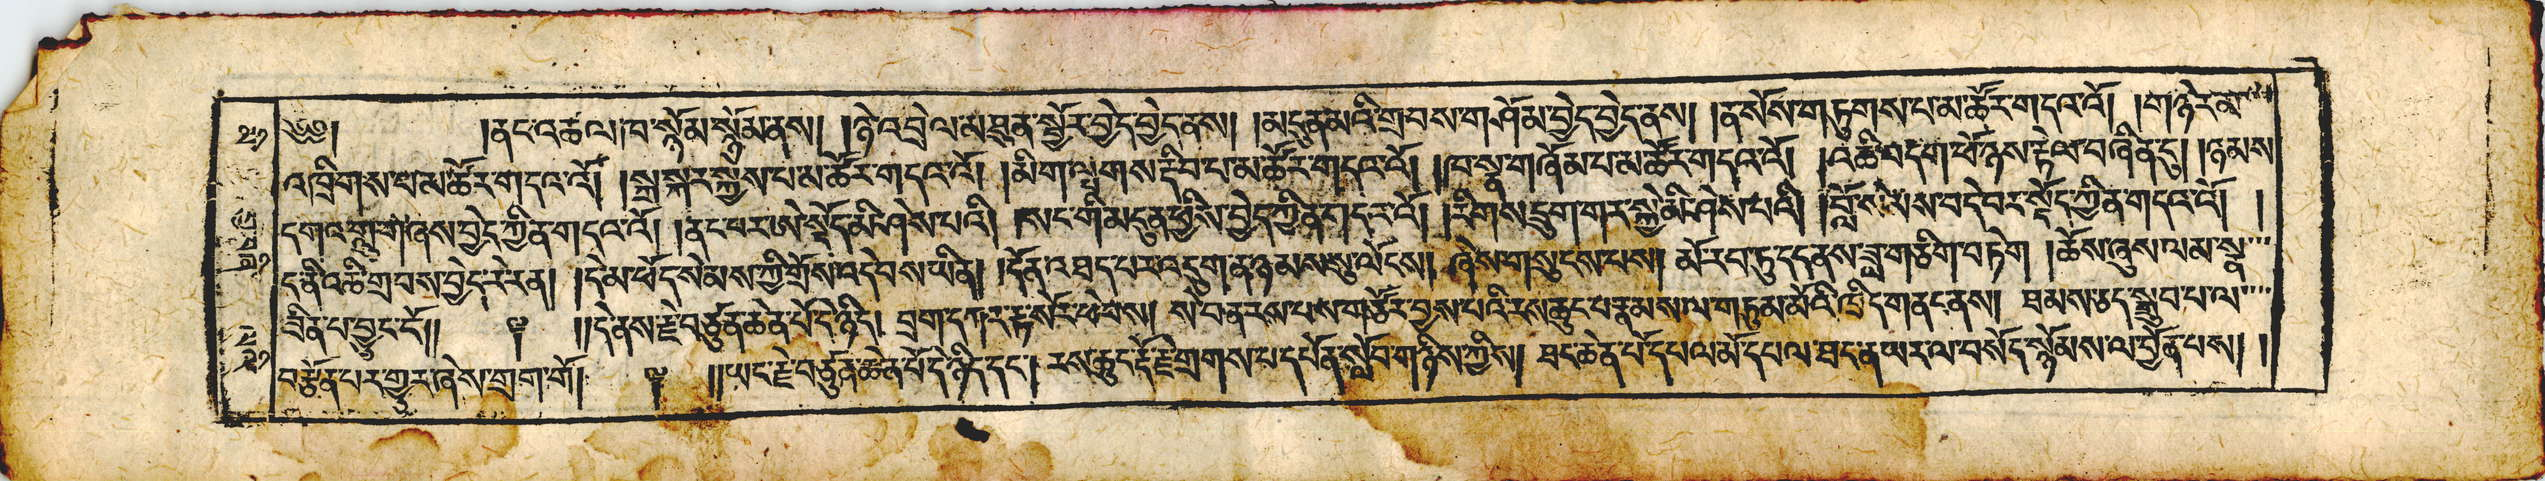ནང་འཚལ་ཁ་སྙོམ་སྙོམ་ནས། །ཉེ་འབྲེལ་མཐུན་སྦྱོར་བྱེད་བྱེད་ནས། །མདུན་མའི་གྲབས་གཤོམ་བྱེད་བྱེད་ནས། །ན་སོས་གཏུགས་པ་མ་ཚོར་གདའ་འོ། །གཉེར་མ་
འཁྲིགས་པ་མ་ཚོར་གདའ་འོ། །སྐྲ་དཀར་སྐྱེས་པ་མ་ཚོར་གདའ་འོ། །མིག་ལྤགས་རྡིབ་པ་མ་ཚོར་གདའ་འོ། །ཁ་སྣ་གཞོམ་པ་མ་ཚོར་གདའ་འོ། །འཆི་བདག་ཕོ་ཉས་རྟེལ་བཞིན་དུ། །ཉམས་
དགའ་གླུ་གཞས་བྱེད་ཀྱིན་གདའ་འོ། །ནང་པར་ཨེ་སྡོད་མི་ཤེས་པའི། སང་གི་མདུན་ཕྱིས་བྱེད་ཀྱིན་གདའ་འོ། །རིགས་དྲུག་གར་སྐྱེ་མི་ཤེས་པའི། །བློ་སེམས་བདེ་བར་སྡོད་ཀྱིན་གདའ་འོ། །
ད་ནི་འཆི་གྲབས་བྱེད་རེ་རན། །དེ་མ་ཕོད་སེམས་ཀྱི་གྲོས་འདེབས་ཡིན། །དོན་འཐད་པར་འདུག་ན་ཉམས་སུ་ལོངས། ཞེས་གསུངས་པས། མོ་རབ་ཏུ་དད་ནས་ཟླ་གཅིག་བཏེག །ཆོས་ཞུས་ལམ་སྣ་
ཟིན་པ་བྱུང་ངོ།། ༈ །།དེནས་རྗེ་བཙུན་ཆེན་པོ་དེ་ཉིད། བྲག་དཀར་རྟ་སོར་ཕེབས། སེ་བན་རས་པས་གཙོར་བྱས་པའི་རས་ཆུང་པ་རྣམས་ལ་གཏུམ་མོའི་ཁྲིད་གནང་ནས། ཐམས་ཅད་སྒྲུབ་པ་ལ་
བརྩོན་པར་གྱུར་ཞེས་གྲག་གོ། ༈ །།ཡང་རྗེ་བཙུན་ཆེན་པོད་ཉིད་དང་། རས་ཆུང་རྡོ་རྗེ་གྲགས་པ་དཔོན་སློབ་གཉིས་ཀྱིས། ཐང་ཆེན་པོ་དཔལ་མོ་དཔལ་ཐང་ན་ཡར་ལ་བསོད་སྙོམས་ལ་བྱོན་པས།